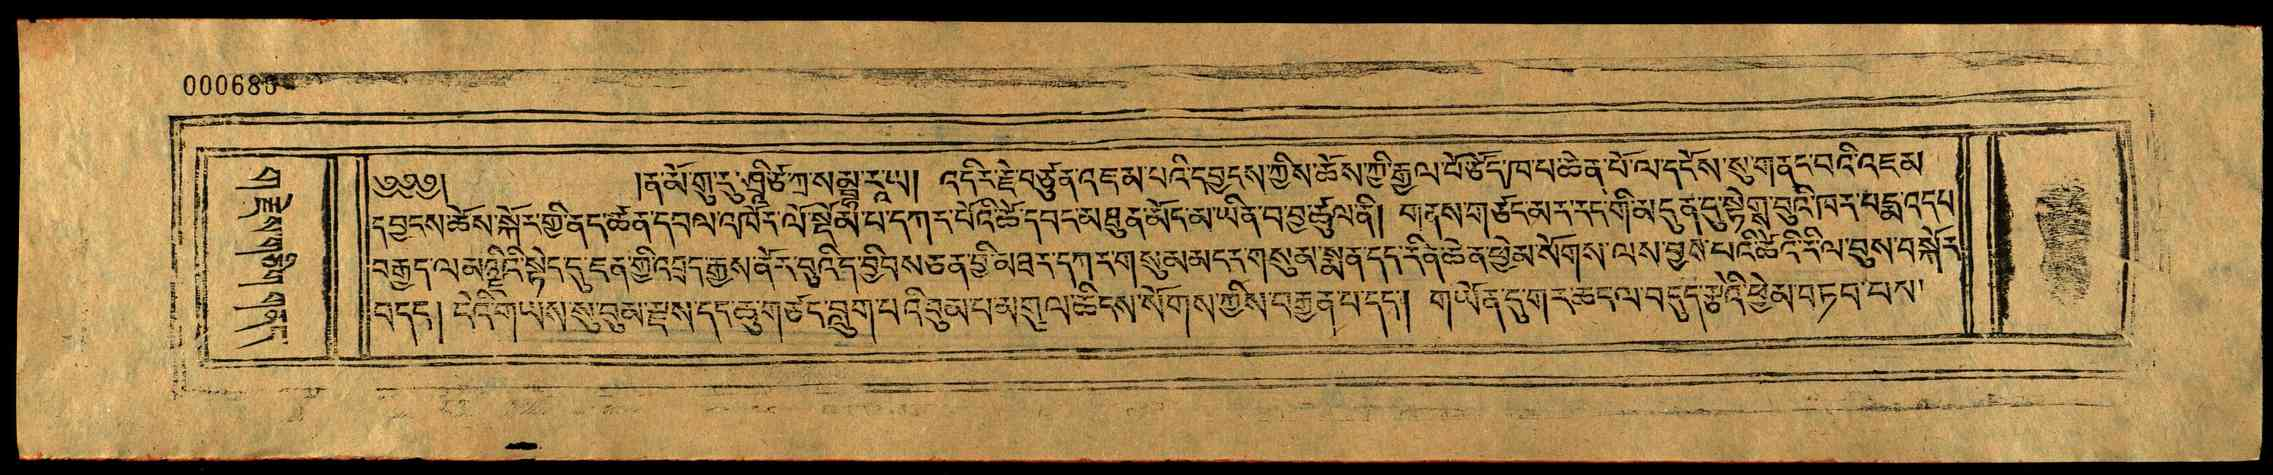༄༅༅། །ན་མོ་གུ་རུ་ཤྲཱི་ཙ་ཀྲ་སམྦྷ་རཱ་ཡ། འདིར་རྗེ་བཙུན་འཇམ་པའི་དབྱངས་ཀྱིས་ཆོས་ཀྱི་རྒྱལ་པོ་ཙོང་ཁ་པ་ཆེན་པོ་ལ་དངོས་སུ་གནང་བའི་འཇམ་
དབྱངས་ཆོས་སྐོར་གྱི་ནང་ཚན་དཔལ་འཁོར་ལོ་སྡོམ་པ་དཀར་པོའི་ཚེ་དབང་མཐུན་མོང་མ་ཡིན་པ་བྱ་ཚུལ་ནི། གནས་གཙང་མར་རང་གི་མདུན་དུ་སྟེགས་བུའི་ཁར་པདམ་འདབ་
བརྒྱད་ལ་མཉྫིའི་སྟེང་དུ་ཟན་གྱི་འབྲང་རྒྱས་ནོར་བུའི་དབྱིབས་ཅན་གྱི་མཐར་དཀར་གསུམ་མངར་གསུམ་སྨན་དང་རིན་ཆེན་ཕྱེ་བ་སོགས་ལས་བྱས་པའི་ཚེའི་རིལ་བུས་བསྐོར་
བ་དང་། དེའི་གཡས་སུ་བུམ་རྫས་དང་ཆུ་གཙང་བླུག་པའི་བུམ་པ་མགུལ་ཆིངས་སོགས་ཀྱིས་བརྒྱན་པ་དང་། གཡོན་དུ་གར་ཆད་ལ་བདུད་རྩིའི་ཕྱེ་མ་བཏབ་པས་